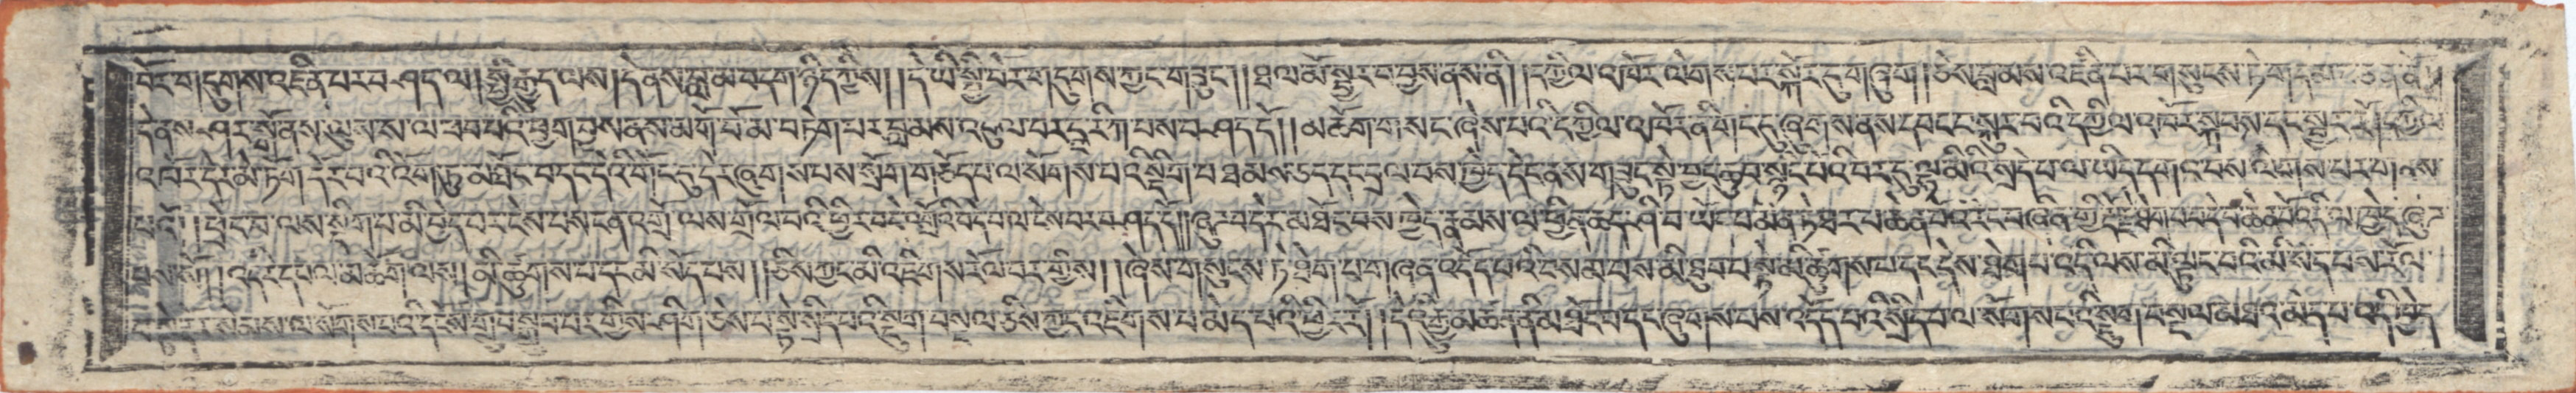བོར་གདུགས་འཛིན་པར་བཤད་ལ། སྤྱི་རྒྱུད་ལས། དེ་ནས་བླ་མ་བདག་ཉིད་ཀྱིས། །དེ་ཡི་སྤྱི་བོར་གདུགས་ཀྱང་གཟུང་། །ཐལ་མོ་སྦྱར་བ་བྱས་ནས་ནི། །དཀྱིལ་འཁོར་ལེགས་པར་སྐོར་དུ་གཞུག །ཅེས་བླ་མས་འཛིན་པར་གསུངས་ཏེ་གདམ་པ་ཅན་ནོ།།
དེ་ནས་ཤར་སྒོ་ནས་ལུས་ས་ལ་ཕབ་པའི་ཕྱག་བྱས་ནས་མགོ་བོ་མ་བཏེག་པར་བླ་མས་འབུལ་བར་དཱ་རི་ཀ་པས་བཤད་དོ། །མཆོག་གསང་ཞེས་པའི་དཀྱིལ་འཁོར་ནི་གང་དུ་ཞུགས་ནས་དབང་བསྐུར་བའི་དཀྱིལ་འཁོར་སྐབས་དང་སྦྱར་རོ། དཀྱིལ་
འཁོར་དེར་མེ་ཏོག་དོར་བའི་འོག་ཏུ་མཐོང་བ་དང་དེའི་གོང་དུ་དེར་ཞུགས་པས་སྲོག་གཅོད་པ་ལ་སོགས་པའི་སྡིག་པ་ཐམས་ཅད་དང་བྲལ་བས་ཁྱེད་དེང་ནས་གཟུང་སྟེ་བྱང་ཆུབ་སྙིང་པོའི་བར་དུ་ལྷ་མིའི་སྲེད་པ་ལ་ཡིད་དགའ་བས་ལེགས་པར་གནས་
པའོ། །ཕྲེང་བ་ལས་སྡིག་པ་མི་བྱེད་པར་ངེས་པས་ངན་འགྲོ་ལས་གྲོལ་བའི་ཕྱིར་བདེ་འགྲོའི་བདེ་བ་ལ་ངེས་པར་བཤད་དོ། །ཞུགས་བ་དེར་མཐོང་བས་ཁྱེད་རྣམས་ལ་ཕྱིན་ཆད་ཤི་བ་ཡོད་པ་མིན་ཏེ་ཐར་པ་ཆེན་པོའི་རང་བཞིན་གྱི་རྡོ་རྗེ་ཐེག་པ་བདེ་བ་ཆེན་པོ་འདི་ལ་ཁྱེད་ཞུགས་
པས་སོ། །འདིར་དཔལ་མཆོག་ལས། མི་ཚུགས་པ་དང་མི་སོད་པས། །ཅིས་ཀྱང་མི་འཇིགས་རོལ་བར་གྱིས། །ཞེས་གསུངས་ཏེ་ཐེག་པ་གཞན་འདོད་པའི་བསམ་པས་མི་ཐུབ་པ་སྟེ་མི་ཚུགས་པ་དང་དེས་ཐེག་པ་འདི་ལས་མི་ལྟུང་བའི་མི་སོད་པས་རོལ་
བ་སྟེ་རྡོར་སེམས་ལ་སོགས་པའི་དངོས་གྲུབ་སྒྲུབ་པར་གྱིས་ཤིག་ཅེས་པ་སྟེ་སྲིད་པའི་སྡུག་བསྔལ་ཅིས་ཀྱང་འཇིགས་པ་མེད་པའི་ཕྱིར་རོ། །དེའི་རྒྱུ་མཚན་ནི་མཐོང་བ་དང་ཞུགས་པས་འདོད་པའི་སྲིད་པ་ལ་སོགས་པའི་སྡུག་བསྔལ་མཐའ་མེད་པ་འདི་ཁྱེད་